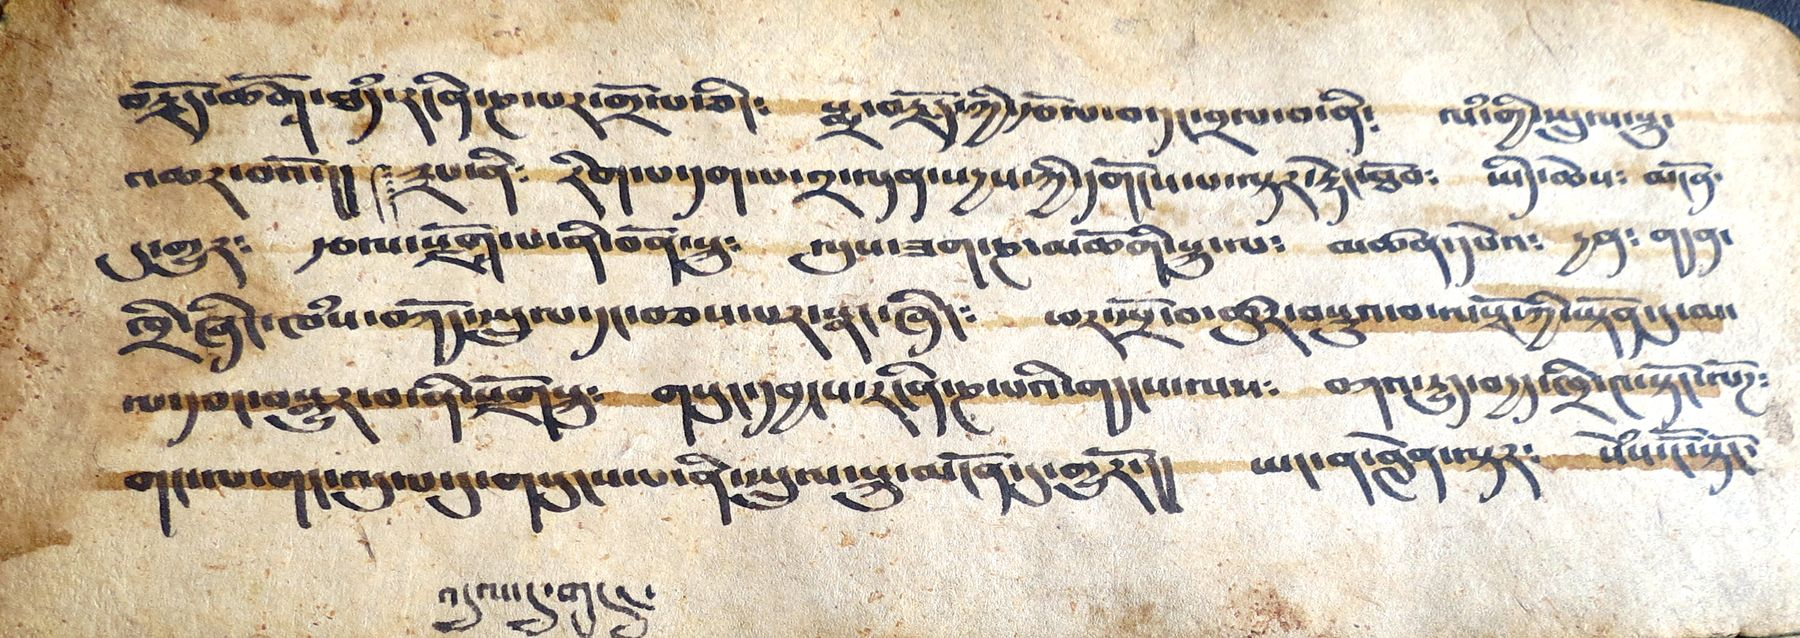བརྗོད་ཚིག་ཐམས་ཅད་རང་བཞིན་མེད་པར་གྲོལ་ཅིང་། སྨྲ་བརྗོད་ཀྱི་རྩོལ་བ་དང་བྲལ་བ་ནི་ལམ་གྱི་སྤྲུལ་སྐུ་
འཆར་བའོ། ། གསུམ་པ་ནི། རིག་པ་དང་དག་པ་གཉིས་ལྡན་སངས་རྒྱས་ཀྱི་དགོངས་པ་གདེང་ཐོབ། ཡིད་ཆེས་མངོན་
དུ་གྱུར། རྩལ་རྫོགས་པ་ནི་བོན་སྐུ། ལུས་ཟག་མེད་མཆོག་གི་སྐུ་ལ་མཚན་དཔེ་རྒྱན་གདན་
ཁྲི་ཞིང་ཁམས་བཀོད་སྤྲུལ་དང་བཅས་པར་སྣང་ཞིང་ཕར་སྤྲོ་བ་དང་ཚུར་བསྡུ་བ་ལ་སོགས་ཏེ། ཡོན་ཏན་དུ་མ་
ལ་དབང་སྒྱུར་བ་ནི་རྫོགས་སྐུ། གསུངས་དབྱངས་རང་བཞིན་མེད་པའི་གདངས་ལས། བཀའ་རྒྱུད་བརྒྱད་ཁྲི་བཞི་སྟོང་ལ་སོགས་
གང་ལ་གང་འདུལ་དུ་གསུངས་པ་སྤྲུལ་སྐུ་མངོན་གྱུར། ཡང་ན་བླ་ཆེན་ལྟར། སེམས་ངོ་བོ་སྟོང་པ་